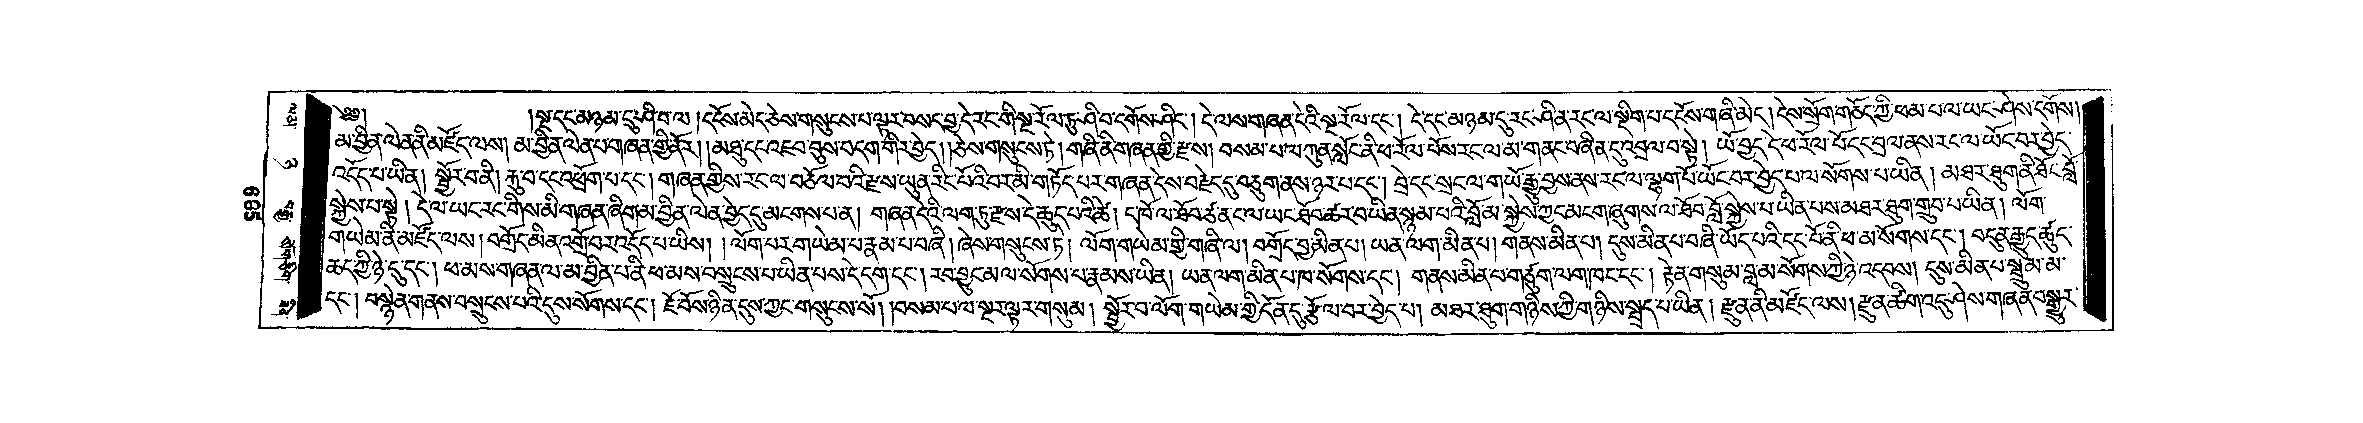༄༅། །སྔ་དང་མཉམ་དུ་ཤི་བ་ལ། དངོས་མེད་ཅེས་གསུངས་པ་ལྟར་བསད་བྱ་དེ་རང་གི་སྔ་རོལ་ཏུ་ཤི་བ་དགོས་ཤིང་། དེ་ལས་གཞན་དེའི་སྔ་རོལ་དང་། དེ་དང་མཉམ་དུ་རང་ཤིན་རང་ལ་སྡིག་པ་དངོས་གཞི་མེད། དེས་སྲོག་གཅོད་ཀྱི་ཕམ་པ་ལ་ཡང་ཤེས་དགོས།
མ་བྱིན་ལེན་ནི་མཛོད་ལས། མ་བྱིན་ལེན་པ་གཞན་གྱི་ནོར། །མཐུ་དང་འཇབ་བུས་བདག་གིར་བྱེད། །ཅེས་གསུངས་ཏེ། གཞི་ནི་གཞན་གྱི་རྫས། བསམ་པ་ལ་ཀུན་སློང་ནི་ཕ་རོལ་པོས་རང་ལ་མ་གནང་བཞིན་དུ་འབྲལ་བ་སྟེ། ཡོ་བྱད་དེ་ཕ་རོལ་པོ་དང་བྲལ་ནས་རང་ལ་ཡོང་བར་བྱེད་
འདོད་པ་ཡིན། སྦྱོར་བ་ནི། རྐུ་བ་དང་འཕྲོག་པ་དང་། གཞན་གྱིས་རང་ལ་བཅོལ་བའི་རྫས་ཡུན་རིང་པོའི་བར་མི་གཏོད་པར་གཞན་དེས་བརྗེད་དུ་བཅུག་ནས་ཉར་པ་དང་། བྲེ་དང་སྲང་ལ་གཡོ་རྒྱུ་བྱས་ནས་རང་ལ་ལྷག་པོ་ཡོང་བར་བྱེད་པ་ལ་སོགས་པ་ཡིན། མཐར་ཐུག་ནི་ཐོང་བློ་
སྐྱེས་པ་སྟེ། དེ་ལ་ཡང་རང་གིས་མི་གཞན་ཞིག་མ་བྱིན་ལེན་བྱེད་དུ་མངགས་པ་ན། གཞན་དེའི་ལག་ཏུ་རྫས་དེ་ཆུད་པའི་ཚེ། ད་ཁོ་ལ་ཐོབ་ཙ་ན་ང་ལ་ཡང་ཐོབ་ཚར་བ་ཡིན་སྙམ་པའི་བློ་མ་སྐྱེས་ཀྱང་མངག་ཞུགས་ལ་ཐོབ་བློ་སྐྱེས་པ་ཡིན་པས་མཐར་ཐུག་གྲུབ་པ་ཡིན། ལོག་
གཡེམ་ནི་མཛོད་ལས། བགྲོད་མིན་འགྲོ་བར་འདོད་པ་ཡིས། །ལོག་པར་གཡེམ་པ་རྣམ་པ་བཞི། ཞེས་གསུངས་ཏེ། ལོག་གཡེམ་གྱི་གཞི་ལ། བགྲོད་བྱ་མིན་པ། ཡན་ལག་མིན་པ། གནས་མིན་པ། དུས་མིན་པ་བཞི་ཡོད་པའི་དང་པོ་ནི་ཕ་མ་སོགས་དང་། བདུན་རྒྱུད་ཚུད་
ཆད་ཀྱི་ཉེ་དུ་དང་། ཕ་མས་གཞན་ལ་མ་བྱིན་པ་ནི་ཕ་མས་བསྲུངས་པ་ཡིན་པས་དེ་དག་དང་། རབ་བྱུང་མལ་སོགས་པ་རྣམས་ཡིན། ཡན་ལག་མིན་པ་ཁ་སོགས་དང་། གནས་མིན་པ་གཙུག་ལག་ཁང་དང་། རྟེན་གསུམ་བླ་མ་སོགས་ཀྱི་ཉེ་འདབས། དུས་མིན་པ་སྦྲུམ་མ་
དང་། བསྙེན་གནས་བསྲུངས་པའི་དུས་སོགས་དང་། ཇོ་བོས་ཉིན་དུས་ཀྱང་གསུངས་སོ། །བསམ་པ་ལ་སྔར་ལྟར་གསུམ། སྦྱོར་བ་ལོག་གཡེམ་གྱི་དོན་དུ་རྩོལ་བར་བྱེད་པ། མཐར་ཐུག་གཉིས་ཀྱི་གཉིས་སྤྲད་པ་ཡིན། རྫུན་ནི་མཛོད་ལས། རྫུན་ཚིག་འདུ་ཤེས་གཞན་བསྒྱུར་